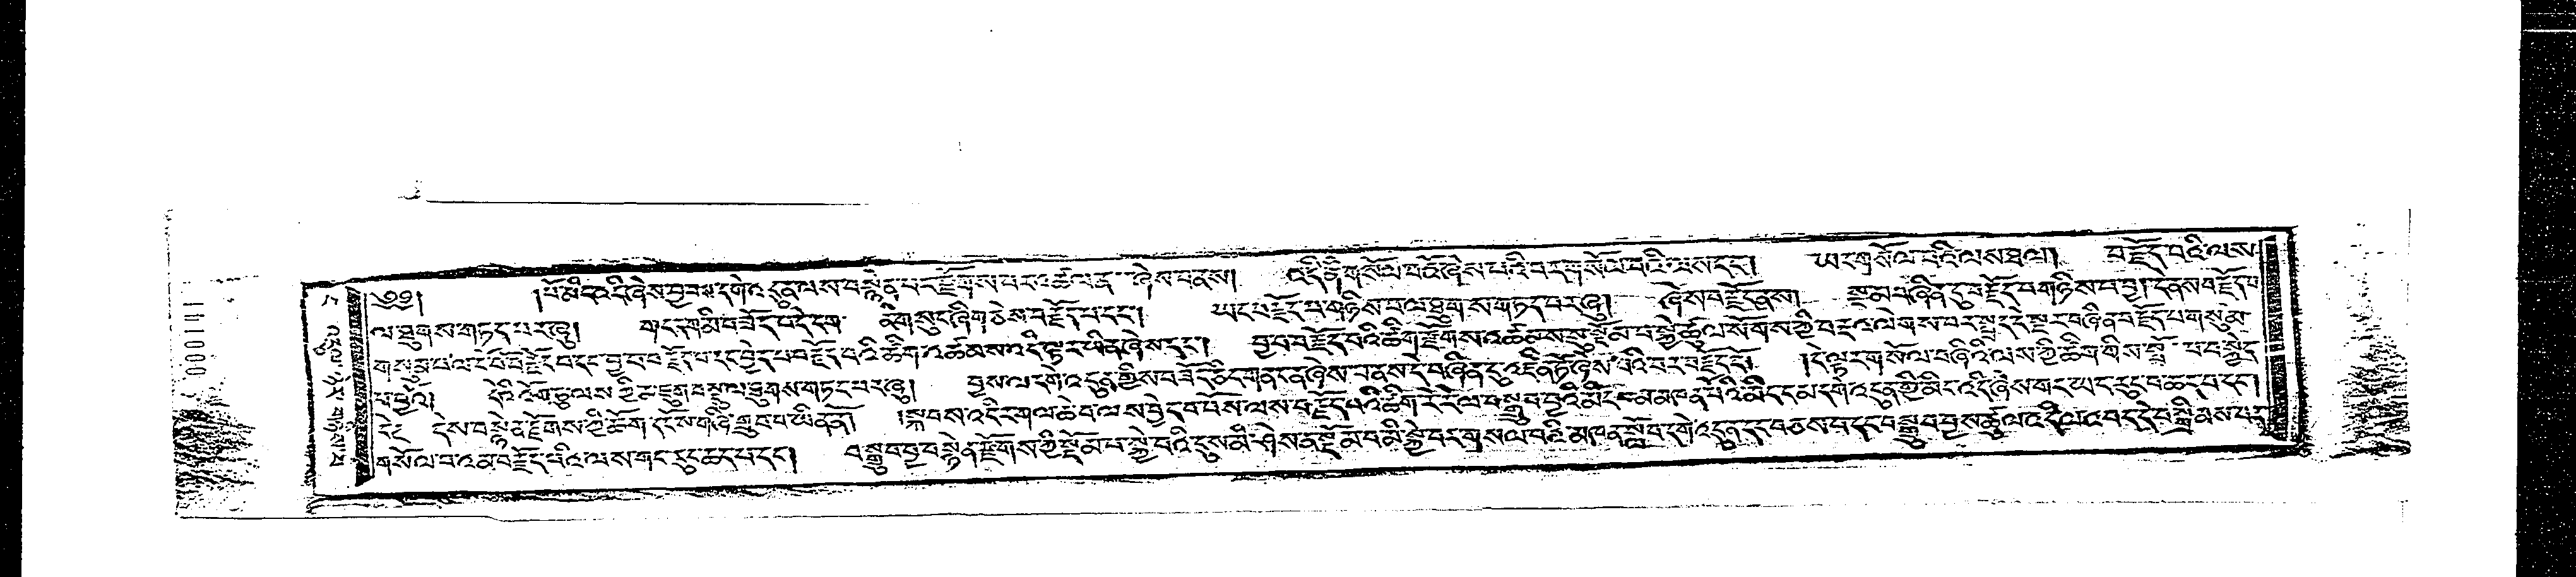༄༅། །པོ་མིང་འདི་ཞེས་བྱ་བས་དགེ་འདུན་ལས་བསྙེན་པར་རྫོགས་པར་འཚལ་ན་ཞེས་པ་ནས། འདི་ནི་གསོལ་བའོ་ཞེས་པའི་བར་གསོལ་བའི་ལས་དང་། ཡང་གསོལ་བའི་ལས་ཐལ། བརྗོད་པའི་ལས་
ལ་ཐུགས་གཏད་པར་ཞུ། གང་དག་མི་བཟོད་པ་དེ་དག་ནི་གསུང་ཞིག་ཅེས་བརྗོད་པ་དང་། ཡང་བརྗོད་པ་གཉིས་པ་ལ་ཐུགས་གཏད་པར་ཞུ། ཞེས་བརྗོད་ནས། སྔ་མ་བཞིན་དུ་བརྗོད་པ་གཉིས་པ་བྱ། དེ་ནས་བརྗོད་པ་
གསུམ་པ་ལ་ངོ་བོ་བརྗོད་པ་དང་བྱ་བ་བརྗོད་པ་དང་བྱེད་པ་བརྗོད་པའི་ཚིག་འཚམས་འདི་ལྟར་ཡིན་ཞེས་དང་། བྱ་བ་བརྗོད་པའི་ཚིག་རྫོགས་འཚམས་སུ་སྡོམ་པ་སྐྱེ་ཚུལ་སོགས་ཀྱི་བརྡའ་ལེགས་པར་སྤྲད་དེ་སྔར་བཞིན་བརྗོད་པ་གསུམ་
པ་བྱའོ། དེའི་འོག་ཏུ་ལས་ཀྱི་མཇུག་བསྡུ་ལ་ཐུགས་གཏང་བར་ཞུ། བྱས་ལ་དགེ་འདུན་གྱིས་བཟོད་ཅིང་གནང་ན་ཞེས་པ་ནས་དེ་བཞིན་དུ་འཛིན་ཏོ་ཞེས་པའི་བར་བརྗོད་དོ། །དེ་ལྟར་གསོལ་བཞིའི་ལས་ཀྱི་ཚིག་གིས་སྤྲོ་པ་བསྐྱེད་
དེ༑ དེས་བསྙེན་རྫོགས་ཀྱི་ཆོག་དངོས་གཞི་གྲུབ་པ་ཡིན་ནོ། །སྐབས་འདིར་གལ་ཆེ་བ་ལས་བྱེད་པ་པོས་ལས་བརྗོད་པའི་ཚིག་རེ་རེ་ལ་བསྒྲུབ་བྱའི་མིང་ངམ་མཁན་པོའི་མིང་ངམ་དགེ་འདུན་གྱི་མིང་འདི་ཞེས་གང་ཡང་རུང་བ་ཆད་པ་དང་།
གསོལ་བ་འམ་བརྗོད་པའི་ལས་གང་རུང་ཆད་པ་དང་། བསྒྲུབ་བྱ་བསྙེན་རྫོགས་ཀྱི་སྡོམ་པ་སྐྱེ་བའི་དུས་མི་ཤེས་ན་སྡོམ་པ་མི་སྐྱེ་བར་གསལ་བའི་མཁན་སློབ་དགེ་འདུན་དང་བཅས་པ་དང་བསྒྲུབ་བྱས་ཚུལ་འདི་ལ་འབད་དེ་བསྒྲིམས་པར་